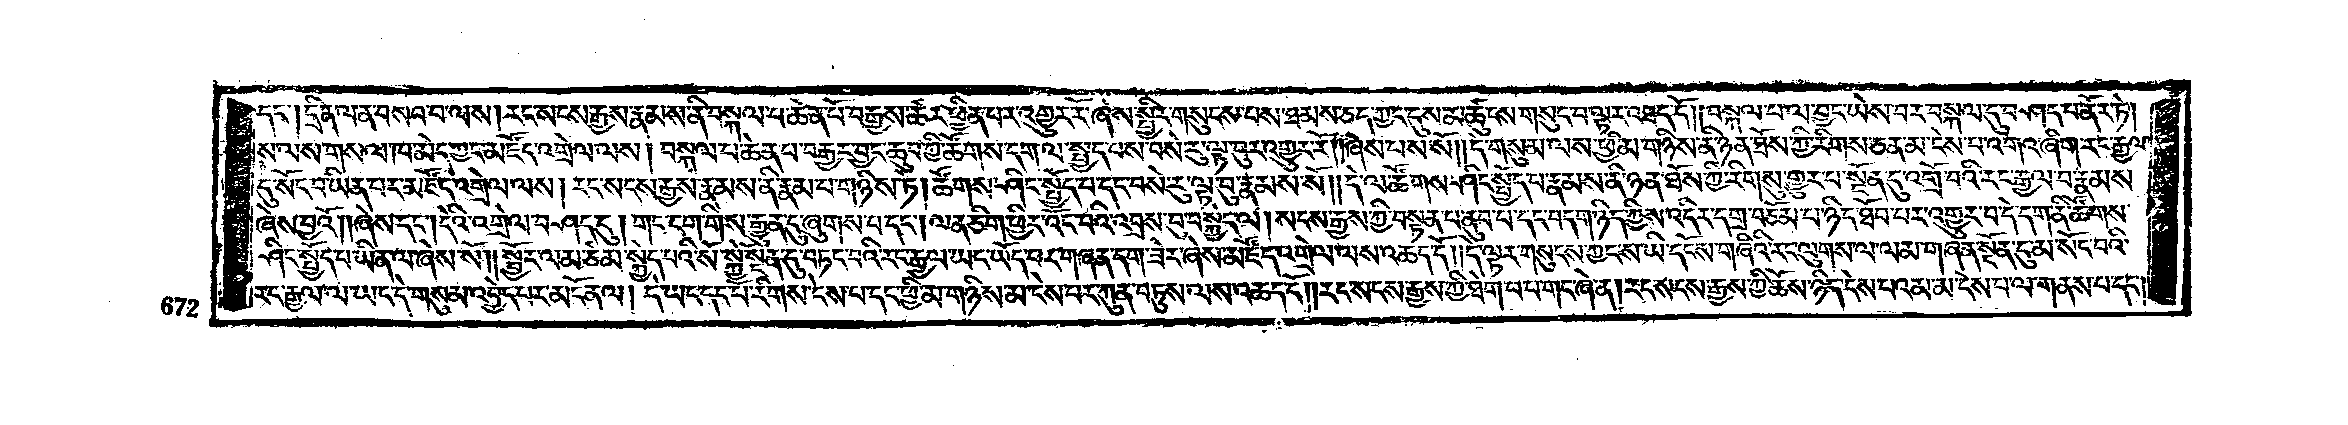དང་། དྲིན་ལན་བསབ་པ་ལས། རང་སངས་རྒྱས་རྣམས་ནི་བསྐལ་པ་ཆེན་པོ་བརྒྱས་ཚར་ཕྱིན་པར་འགྱུར་རོ་ཞེས་སྤྱིར་གསུངས་པས་ཐམས་ཅད་ཀྱང་དུས་མཚུངས་གསུང་བ་ལྟར་འཐད་དོ། །བསྐལ་པ་ལ་བྱང་ཡེས་?་བར་བསྐལ་དུ་བཤད་པ་ནོར་ཏེ།
ས་ལས་གསལ་ཁ་མེད་ཀྱང་མཛོད་འགྲེལ་ལས། བསྐལ་པ་ཆེན་པོ་བརྒྱར་བྱང་ཆུབ་ཀྱི་ཚོགས་དག་ལ་སྤྱད་པས་བསེ་རུ་ལྟ་བུར་འགྱུར་རོ། །ཞེས་པས་སོ། །དེ་གསུམ་ལས་ཕྱི་མ་གཉིས་ནི་ཉན་ཐོས་ཀྱི་རིགས་ཅན་མ་ངེས་པ་འགའ་ཞིག་རང་རྒྱལ་
དུ་སོང་བ་ཡིན་པར་མཛོད་འགྲེལ་ལས། རང་སངས་རྒྱས་རྣམས་ནི་རྣམ་པ་གཉིས་ཏེ། ཚེགས་ཤིང་སྤྱོད་པ་དང་བསེ་རུ་ལྟ་བུ་རྣམས་སོ། །དེ་ལ་ཚོགས་ཤིང་སྤྱོད་པ་རྣམས་ནི་ཉན་ཐོས་ཀྱི་རིགས་སུ་གྱུར་པ་སྔོན་དུ་འགྲོ་བའི་རང་རྒྱལ་བ་རྣམས་
ཞེས་བྱའོ། །ཞེས་དང་། དེའི་འགྲེལ་བཤད་དུ། གང་དག་གིས་རྒྱུན་དུ་ཞུགས་པ་དང་། ལན་ཅིག་ཕྱིར་འོང་བའི་འབྲས་བུ་བསྐྱེད་ལ། སངས་རྒྱས་ཀྱི་བསྟན་པ་ནུབ་པ་དང་བདག་ཉིད་ཀྱིས་འདིར་དགྲ་བཅོམ་པ་ཉིད་ཐོབ་པར་འགྱུར་བ་དེ་དག་ནི་ཚོགས་
ཤིང་སྤྱོད་པ་ཡིན་ལ་ཞེས་སོ། །སྦྱོར་ལམ་ཙམ་སྐྱེད་པའི་སོ་སྐྱེ་སྔོན་དུ་བཏང་བའི་རང་རྒྱལ་ཡང་ཡོད་པར་གཞན་དག་ཟེར་ཞེས་མཛོད་འགྲེལ་ལས་འཆད་དོ། །དེ་ལྟར་གསུངས་ཀྱང་ས་ཡི་དངོས་གཞིའི་རང་ལུགས་ལ་ལམ་གཞན་སྔོན་དུ་མ་སོང་བའི་
རང་རྒྱལ་ལ་ཡང་དེ་གསུམ་འབྱེད་པར་མངོན་ལ། དེ་ཡང་དང་པོ་རིགས་ངེས་པ་དང་ཕྱི་མ་གཉིས་མ་ངེས་པར་ཀུན་བཏུས་ལས་འཆད་དོ། །རང་སངས་རྒྱས་ཀྱི་ཐེག་པ་བ་གང་ཞེ་ན། རང་སངས་རྒྱས་ཀྱི་ཆོས་ཉིད་ངེས་པའམ་མ་ངེས་པ་ལ་གནས་པ་དང་།